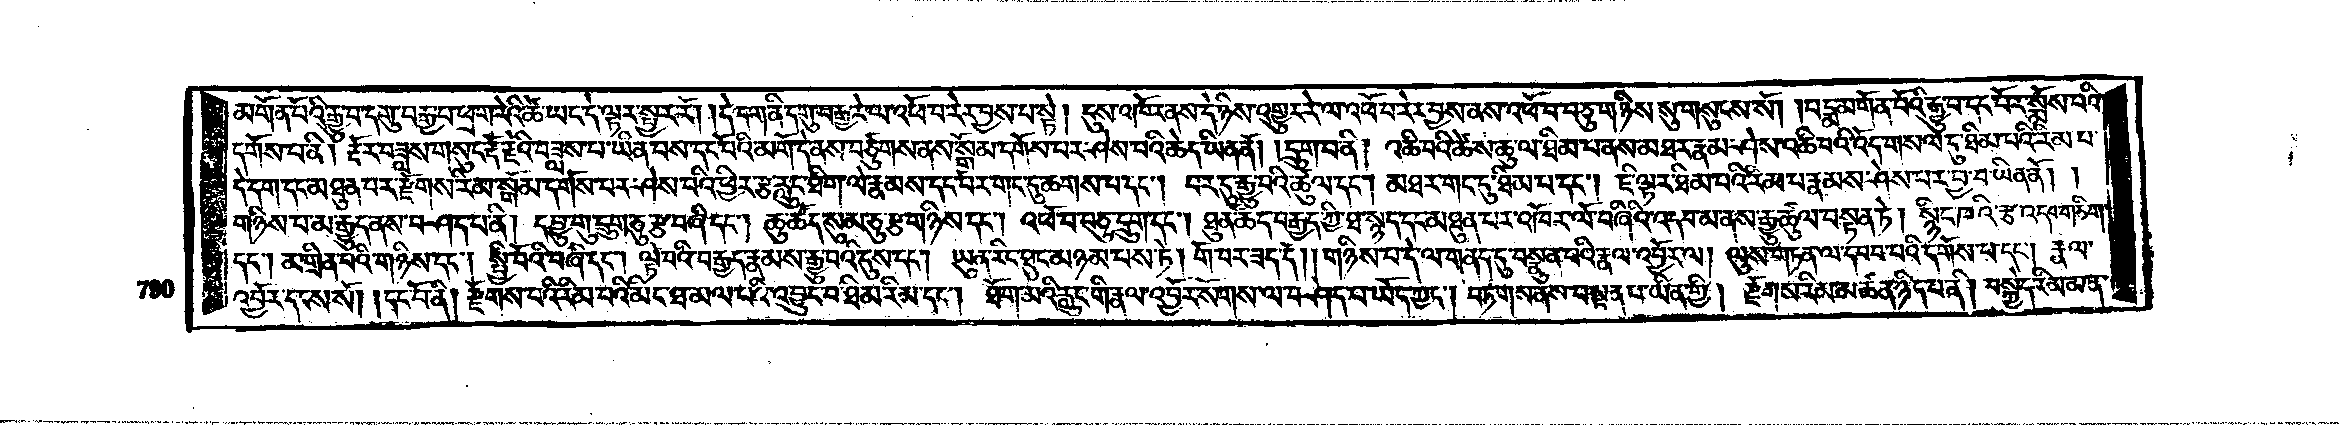མགོན་པོའི་རྒྱུ་བ་དགུ་བརྒྱ་པ་ཕྲག་རེའི་ཚེ་ཡང་དེ་ལྟར་སྦྱར་རོ། །དེ་དག་ནི་དགུ་བརྒྱ་རེ་ལ་འཕོ་བ་རེར་བྱས་པ་སྟེ། དུས་འཁོར་ནས་དེ་ཉིས་འགྱུར་རེ་ལ་འཕོ་བ་རེར་བྱས་ནས་འཕོ་བ་བཅུ་གཉིས་སུ་གསུངས་སོ། །པདམ་མགོན་པོའི་རྒྱུ་བ་དང་པོར་སྨོས་པའི་
དགོས་པ་ནི། རྡོར་བཟླས་གསུང་རྡོ་རྗེའི་བཟླས་པ་ཡིན་པས་དང་པོའི་མགོ་དེ་ནས་བཙུགས་ནས་སྒོམ་དགོས་པར་ཤེས་པའི་ཆེད་ཡིན་ནོ། །དྲུག་པ་ནི། འཆི་བའི་ཚེ་ས་ཆུ་ལ་ཐིམ་པ་ནས་མཐར་རྣམ་ཤེས་འཆི་བའི་འོད་གསལ་དུ་ཐིམ་པའི་རིམ་པ་
དེ་དག་དང་མཐུན་པར་རྫོགས་རིམ་སྒོམ་དགོས་པར་ཤེས་པའི་ཕྱིར་རྩ་རླུང་ཐིག་ལེ་རྣམས་དང་པོར་གང་དུ་ཆགས་པ་དང་། བར་དུ་རྒྱུ་བའི་ཚུལ་དང་། མཐར་གང་དུ་ཐིམ་པ་དང་། ཇི་ལྟར་ཐིམ་པའི་རིམ་པ་རྣམས་ཤེས་པར་བྱ་བ་ཡིན་ནོ། །
གཉིས་པ་མ་རྒྱུད་ནས་བཤད་པ་ནི། དབྱུ་གུ་དྲུག་ཅུ་རྩ་བཞི་དང་། ཆུ་ཚོད་སུམ་ཅུ་རྩ་གཉིས་དང་། འཕོ་བ་བཅུ་དྲུག་དང་། ཐུན་ཆོད་བརྒྱད་ཀྱི་ཐ་སྙད་དང་མཐུན་པར་འཁོར་ལོ་བཞིའི་འདབ་མ་ནས་རྒྱུ་ཚུལ་བསྟན་ཏེ། སྙིང་ཁའི་རྩ་འདབ་གཅིག་
དང་། མགྲིན་པའི་གཉིས་དང་། སྤྱི་བོའི་བཞི་དང་། ལྟེ་བའི་བརྒྱད་རྣམས་རྒྱུ་བའི་དུས་དང་། ཡུན་རིང་ཐུང་མཉམ་པས་ཏེ། གོ་བར་ཟད་དོ། །གཉིས་པ་དེ་ལ་གནད་དུ་བསྣུན་པའི་རྣལ་འབྱོར་ལ། ལུས་གཏན་ལ་དབབ་པའི་དགོས་པ་དང་། རྣལ་
འབྱོར་དངས་སོ། །དང་པོ་ནི། རྫོགས་པའི་རིམ་པའི་མིང་ཐ་མལ་པའི་འབྱུང་བ་ཐིམ་རིམ་དང་། ཐོག་མའི་རླུང་གི་རྣལ་འབྱོར་སོགས་ལ་བཤད་པ་ཡོད་ཀྱང་། བཏགས་ནས་བསྟན་པ་ཡིན་གྱི། རྫོགས་རིམ་མཚན་ཉིད་པ་ནི། བསྐྱེད་རིམ་མན་